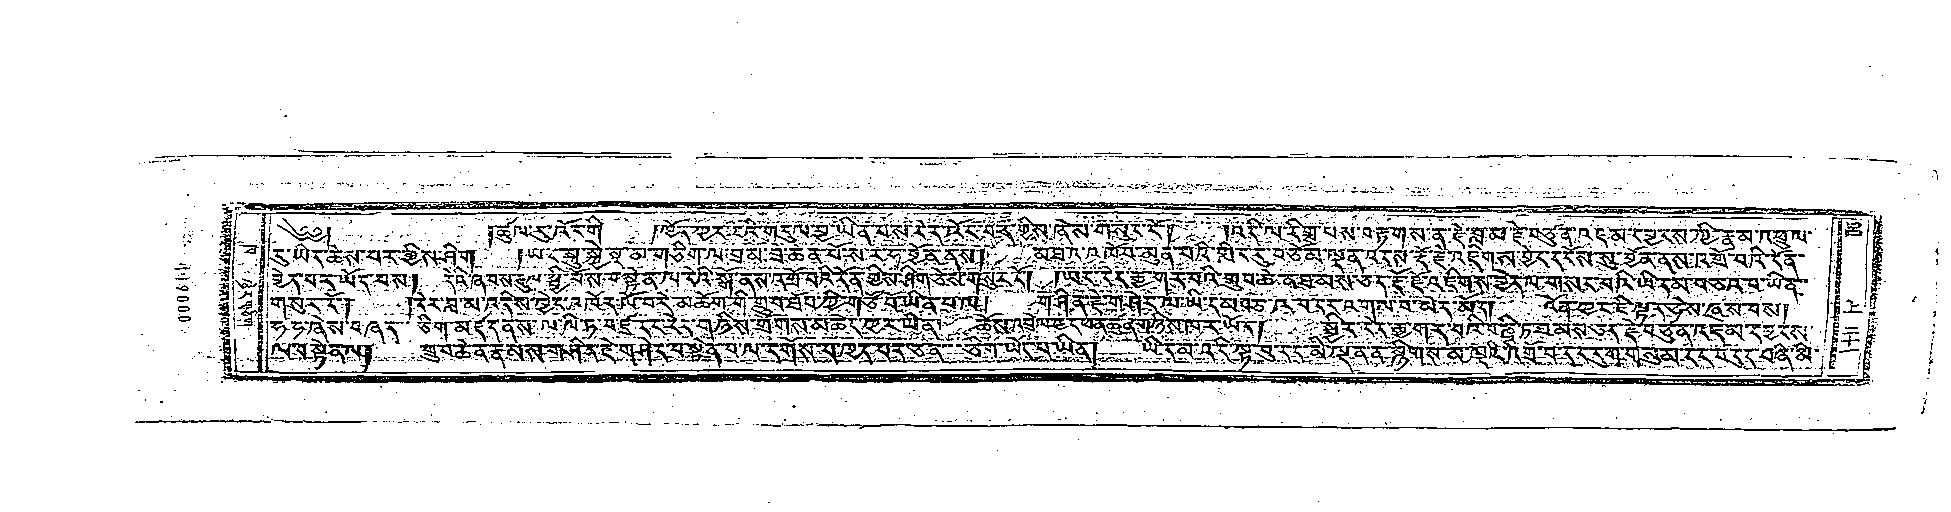༄༅། །ཚུལ་དུ་འོང་གི །ཁྱོད་ཀྱང་ངའི་གདུལ་བྱ་ཡིན་པས་དེར་འོང་བར་གྱིས་ཞེས་གསུང་ངོ། །འདི་ལ་རིགས་པས་བརྟགས་ན་རྗེ་བླ་མ་རྗེ་བཙུན་འཇམ་དབྱངས་ཀྱི་རྣམ་འཕྲུལ་
དུ་ཡིད་ཆེས་པར་གྱིས་ཤིག །ཡང་སྐུ་སྐྱེ་སྔ་མ་གཅིག་ལ་བྲམ་ཟེ་ཆེན་པོ་ས་ར་ཧ་བྱོན་ནས། མཐའ་འཁོབ་མུན་པའི་གླིང་དུ་བཅོམ་ལྡན་འདས་རྡོ་རྗེ་འཇིགས་བྱེད་དངོས་སུ་བྱོན་ནས་འགྲོ་བའི་དོན་
བྱེད་པར་ཡོད་པས། དེའི་ཞབས་རྡུལ་སྤྱི་བོས་བསྟེན་ལ་དེའི་སྒོ་ནས་འགྲོ་བའི་དོན་གྱིས་ཤིག་ཅེས་གསུང་ངོ། །ཡང་ངེད་རྒྱ་གར་བའི་གྲུབ་ཆེན་ཐམས་ཅད་རྡོ་རྗེ་འཇིགས་བྱེད་ལ་གསང་བའི་ཡི་དམ་བཅའ་བ་ཡིན་
གསུང་ངོ། །དེར་བླ་མ་འདིས་ཁྱེད་འཁོར་ལོ་བདེ་མཆོག་གི་གྲུབ་ཐོབ་ཀྱི་གཙོ་བོ་ཡིན་པ་ལ། གཤིན་རྗེ་གཤེད་ལ་ཡི་དམ་བཅའ་བ་དང་འགལ་བ་མེད་མོད། འོན་ཀྱང་ཇི་ལྟར་ཅེས་ཞུས་པས།
ཧ་ཧ་ཞེས་བཞད་ཅིག་མཛད་ནས་ལ་ལི་ཏ་བཛྲ་དང་ངེད་གཉིས་གྲོགས་མཆེད་ཀྱང་ཡིན། ཆོས་འབྲེལ་ཀྱང་ཕན་ཚུན་གཉིས་ཁ་ར་ཡོད། སྦྱིར་དེར་རྒྱ་གར་བའི་པཎྚི་ཏ་ཐམས་ཅད་རྗེ་བཙུན་འཇམ་དབྱངས་
ལ་བསྟེན་ལ། གྲུབ་ཆེན་རྣམས་གཤིན་རྗེ་གཤེད་བསྟེན་པ་ལ་དགོས་པ་ཁྱད་པར་ཅན་ཅིག་ཡོད་པ་ཡིན། ཡི་དམ་འདི་ལྟ་བུ་དང་མི་ལྡན་ན་སྙིགས་མ་ལྔའི་འགྲོ་བ་དང་དུག་གསུམ་དང་བདུད་བཞི་མི་